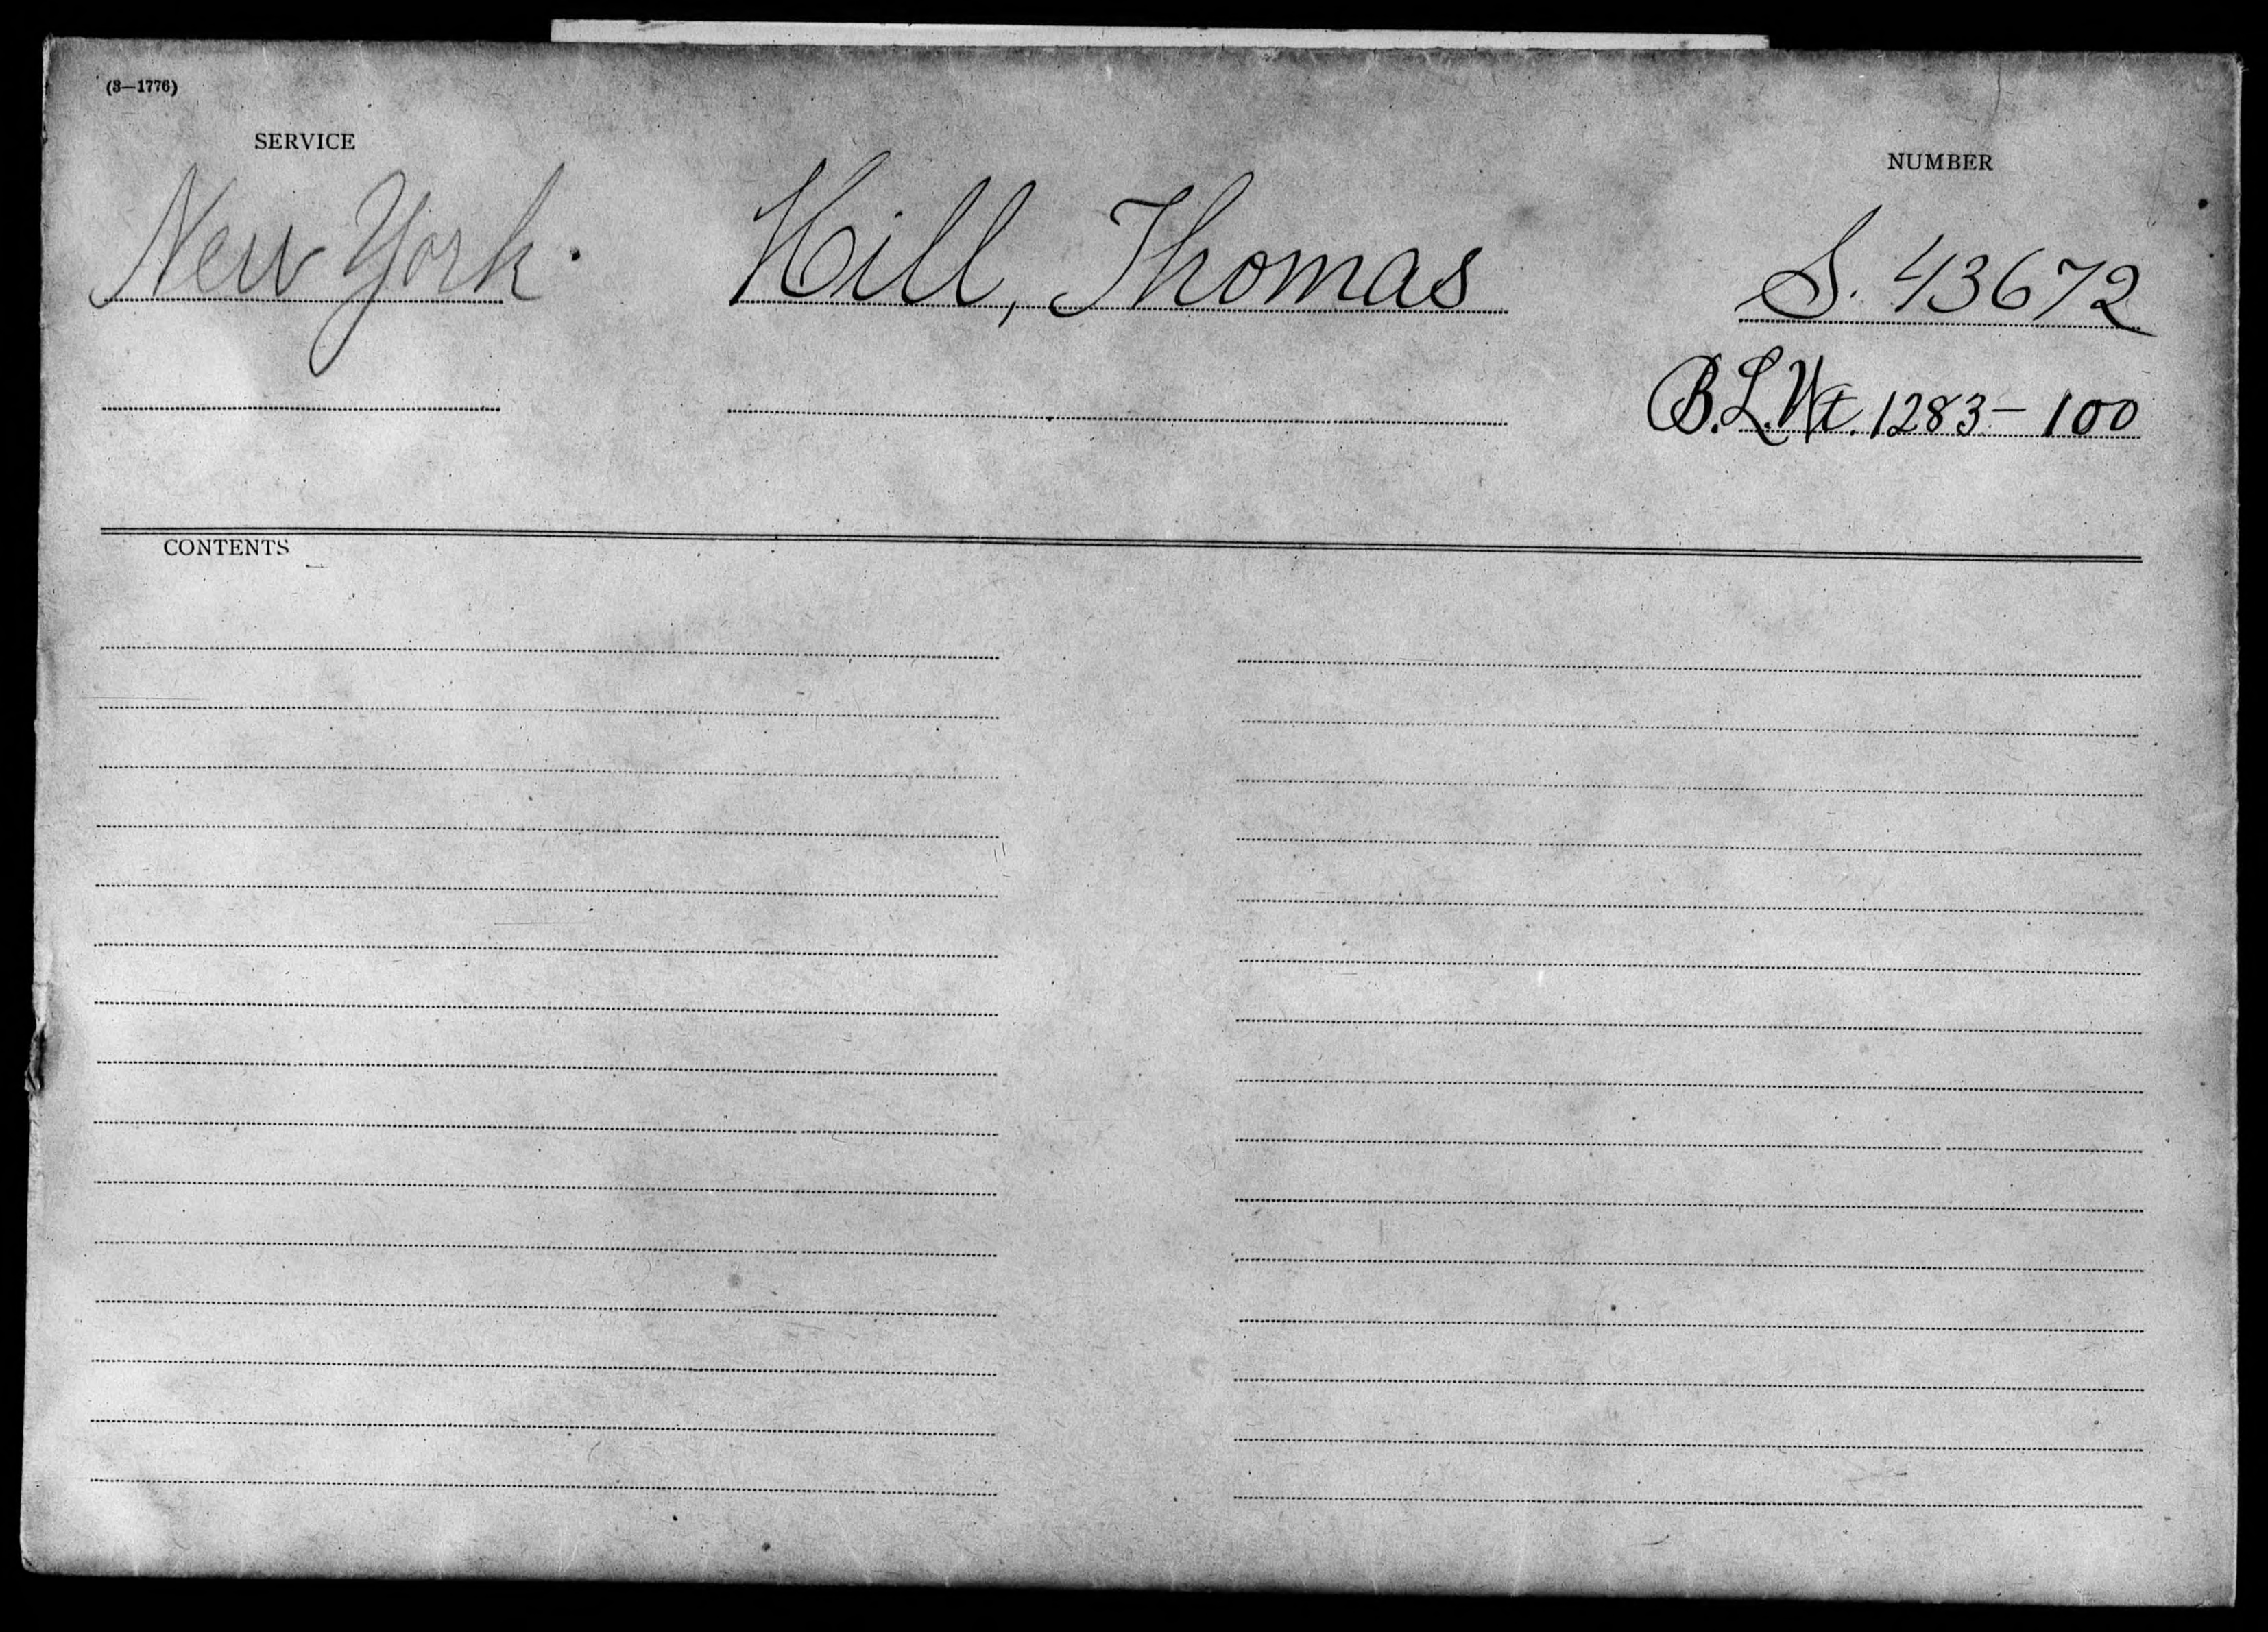(3-1776)

SERVICE
New York

Hill, Thomas

NUMBER
S. 43672
B.L.Wt. [?] 1283 - 100

CONTENTS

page: 1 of 31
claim: survivor's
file: S. 43672, Thomas Hill, New York